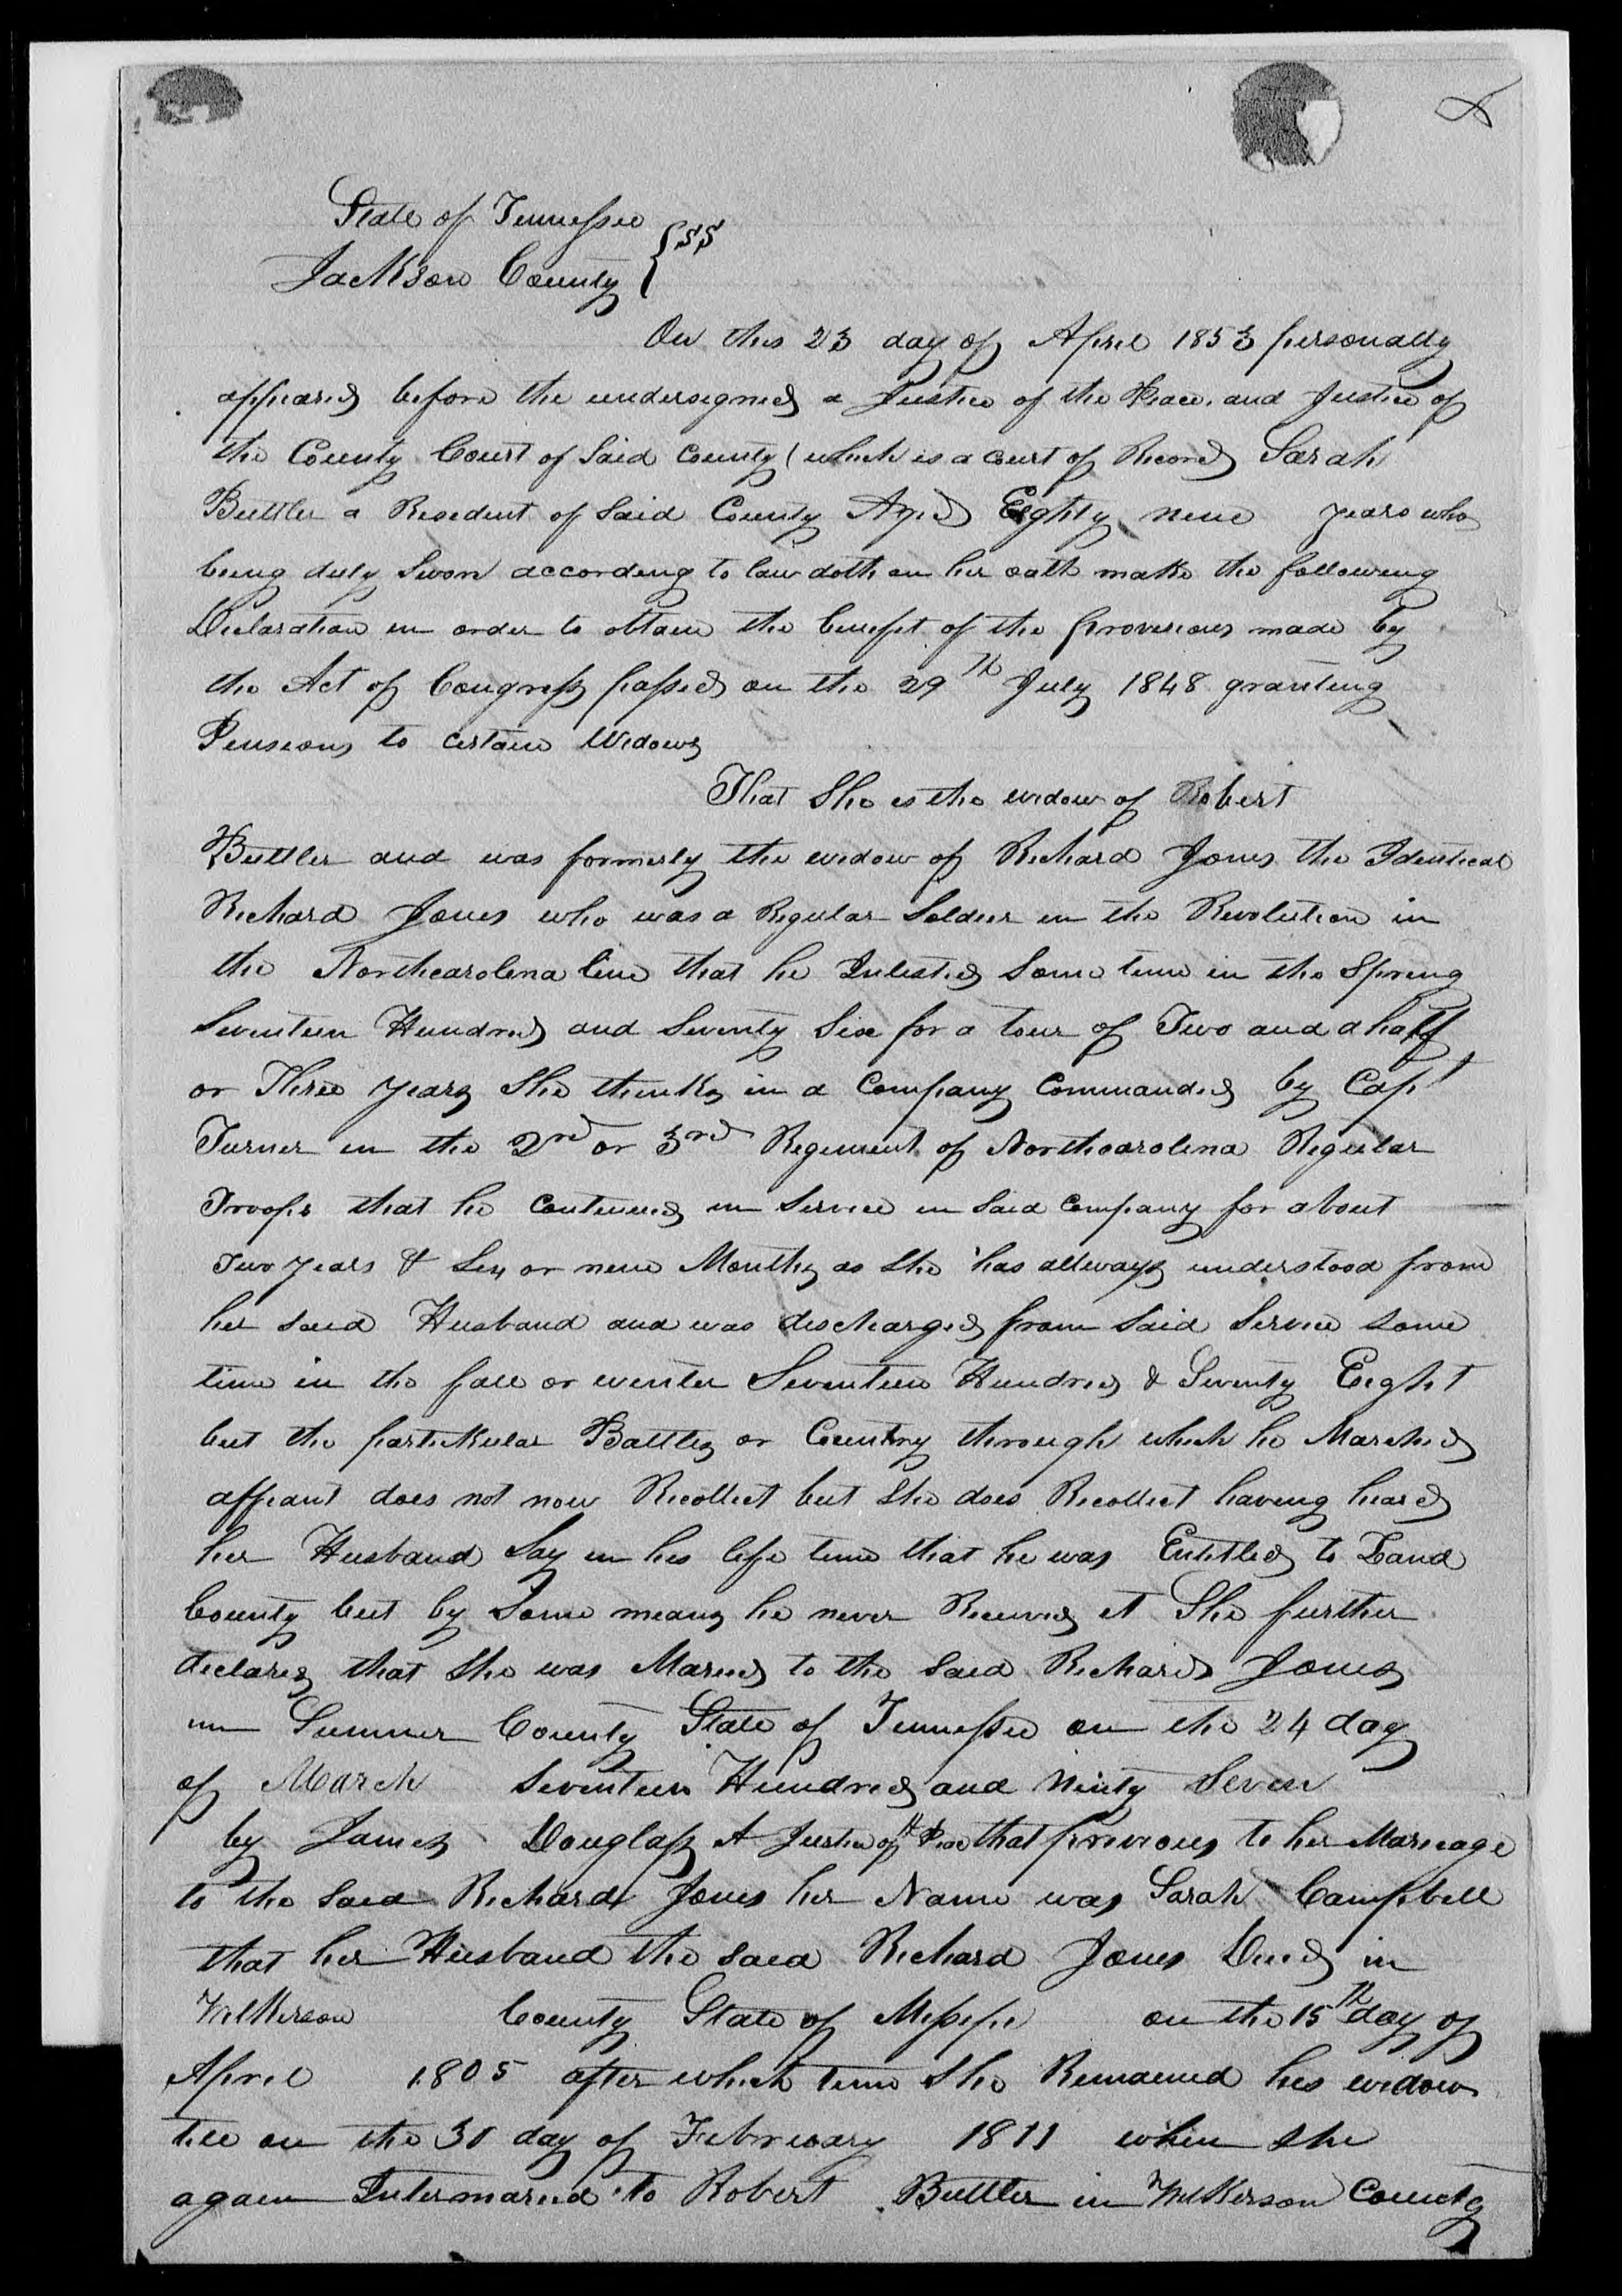State of Tennessee / SS
Jackson County  

On this 23 day of April 1853 personally appeared before the undersigned & Justice of the Peace, and Justice of the County Court of Said County (which is a court of Record) Sarah Butler a Resident of Said County Aged Eighty nine years who being duly sworn according to law doth on her oath make the following Declaration in order to obtain the benefit of the Provisions made by the Act of Congress passed on the 29th July 1848 granting Pensions to certain widows.

That she is the widow of Robert Butler and was formerly the widow of Richard Jones the Identical Richard Jones who was a Regular Soldier in the Revolution in the Northcarolina line that he Enlisted some time in the Spring Seventeen Hundred Seventy Six for a tour of Two and a half or Three years.  She thinks in a Company commanded by Capt. Turner in the 2nd or 3rd Regiment of Northcarolina Regular Troops that he continued in service in Said Company for about Two years & Six or more Months as She has allways understood from her said Husband and was discharged from Said Service some time in the fall or winter Seventeen Hundred & Seventy Eight but the particular Battle or Country through which he marched affiant does not now Recollect but She does Recollect having heard her Husband Say in his life time that he was Entitled to Land bounty but by some means he never Received it.  She further declares that She was Married to the Said Richard Jones in Summer County State of Tennessee on the 24 day of March Seventeen Hundred and Ninety Seven by James Douglas at Justice of the Peace that previous to her Marriage to the said Richard Jones her Name was Sarah Campbell that her Husband the Said Richard Jones died in Wilkerson County State of Mississippi on the 15th of April 1805 after which time she remained his widow till on the 30 day of February 1811 when she again Intermarried  to Robert Butler in Willkerson County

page: 5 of 33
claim: rejected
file: R. 1554, for Richard Jones, North Carolina